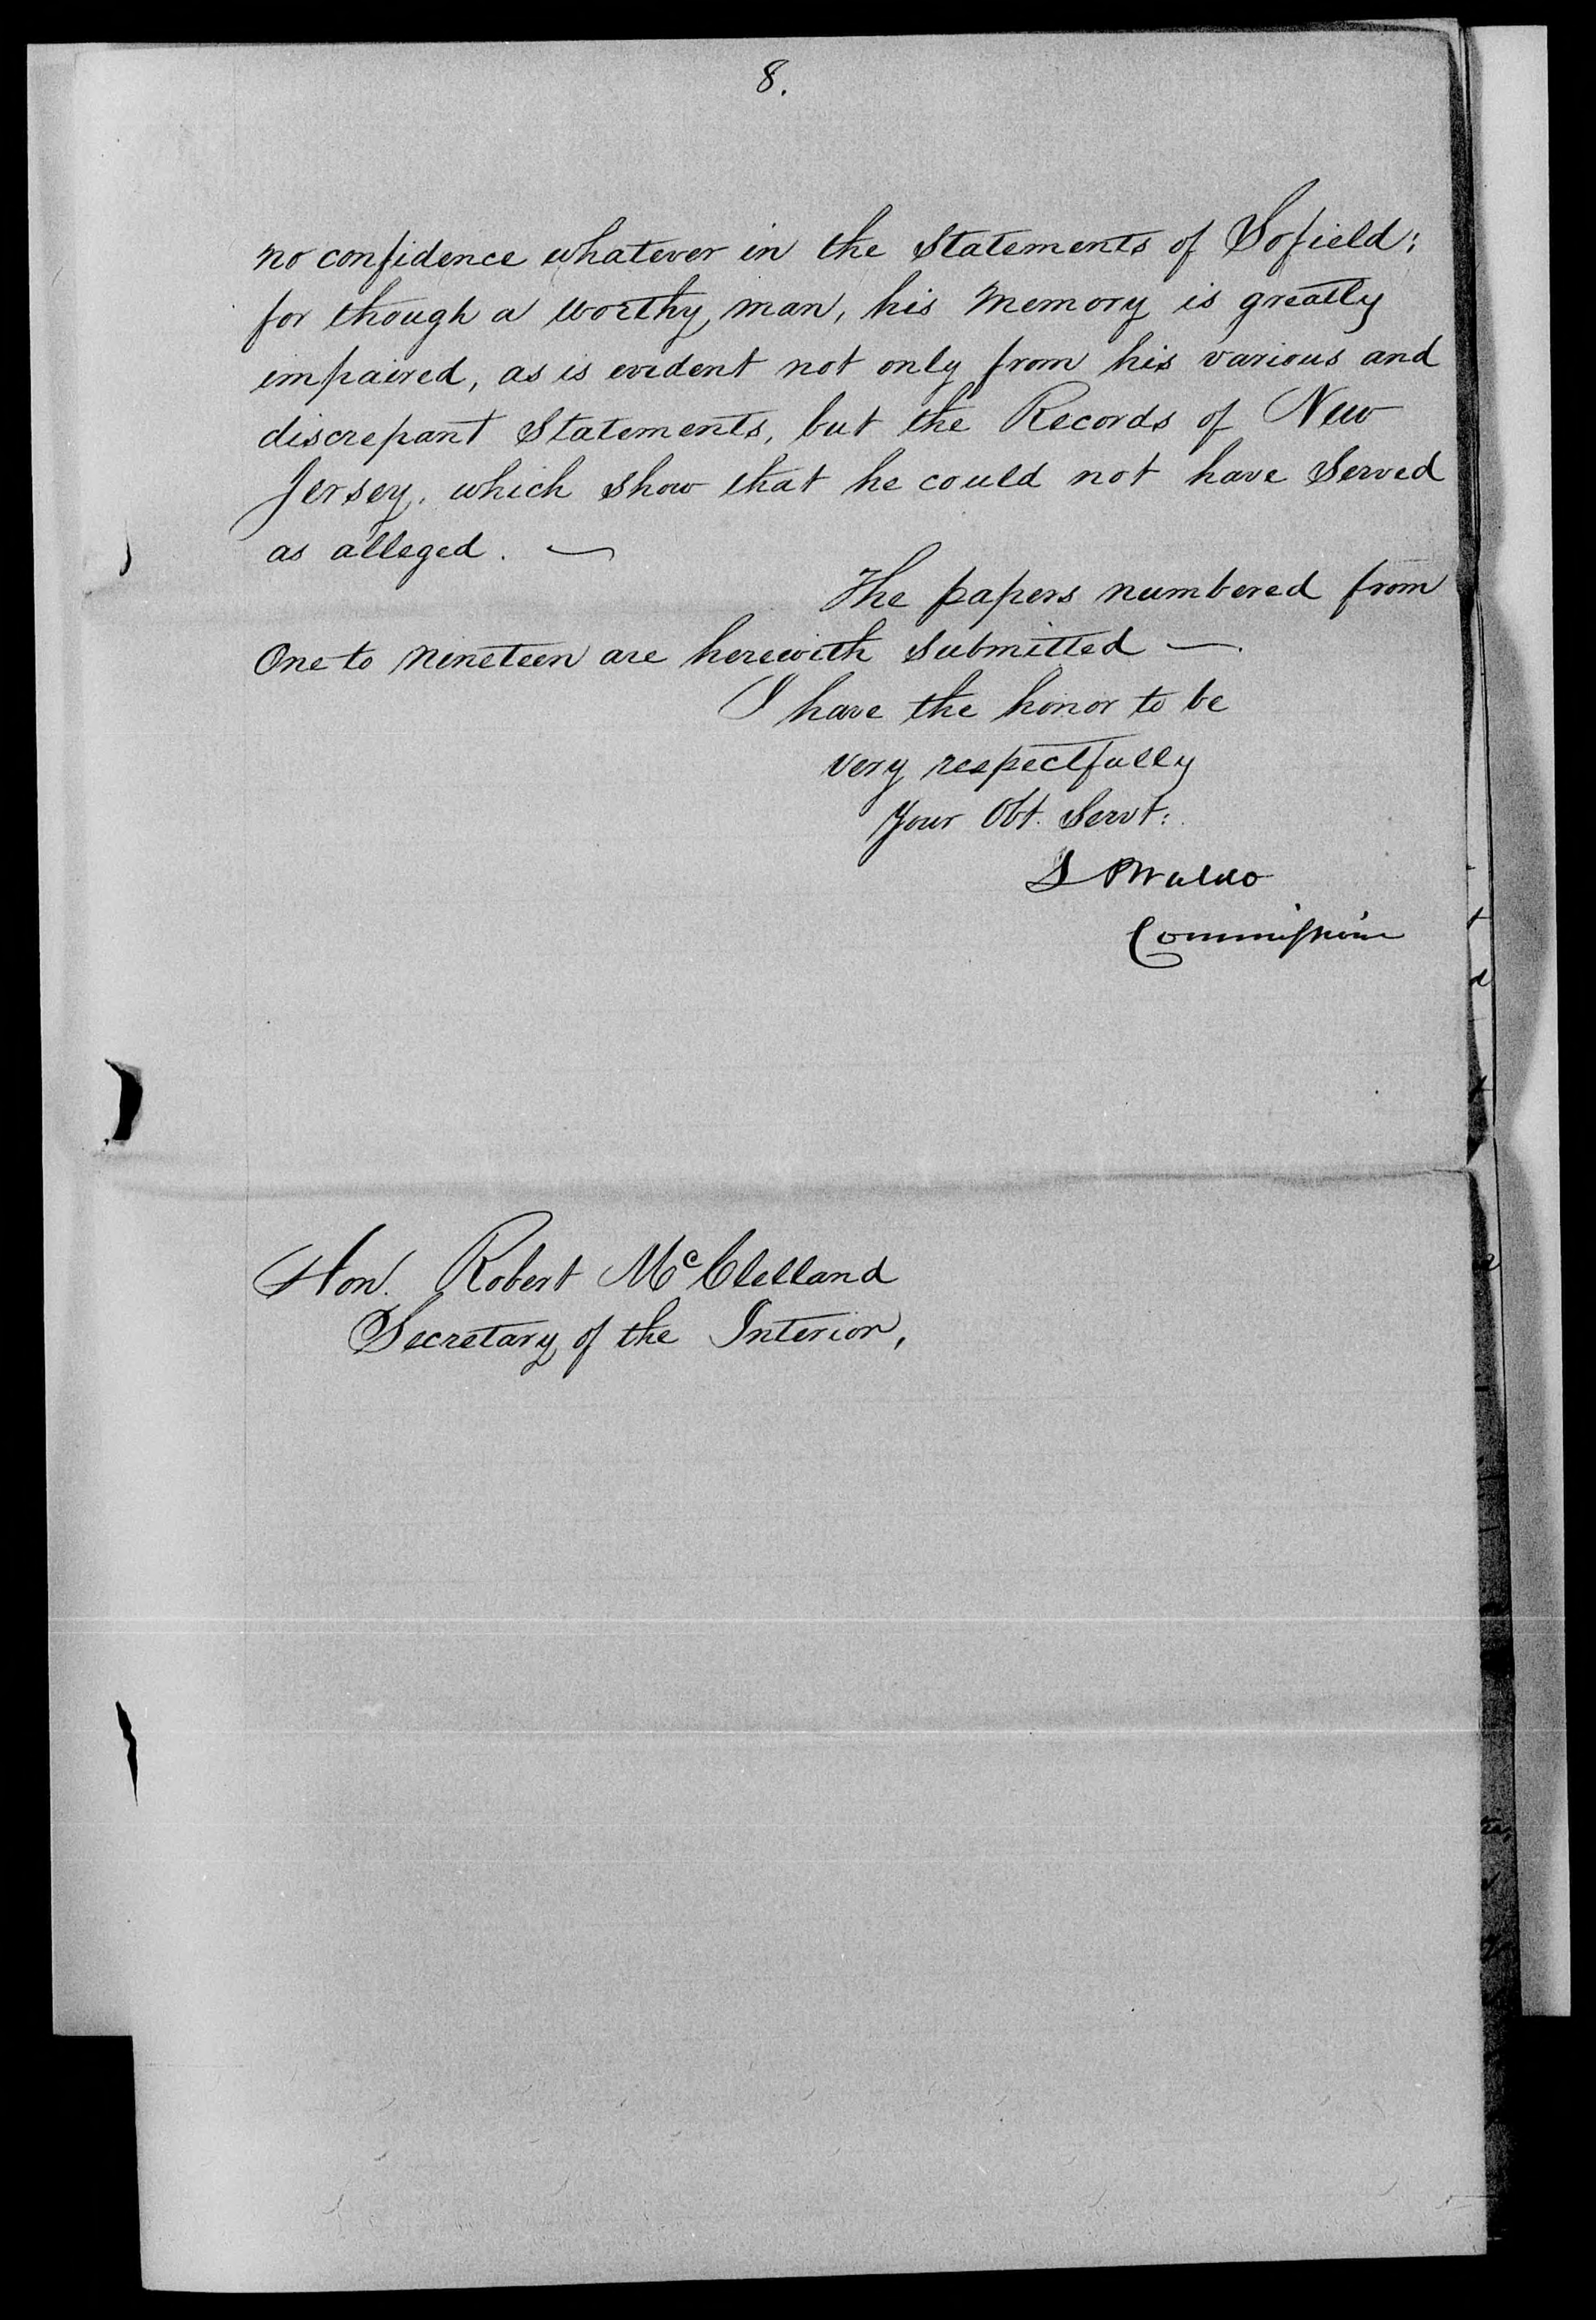...8

no confidence whatever in the statements of Sofield; for though a worthy man, his memory is greatly impaired, as is evident not only from his various and
discrepant statements, but the Records of New Jersey, which show that he could not have served as alleged.

The papers numbered from one to nineteen are herewith submitted.

I have the honor to be very respectfully your obe(dient) ser(vant),
s/ L.P. Waldo, Commissioner

Hon. Robert McClelland, Secretary of the Interior.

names: L P Waldo; Robert Mc Clelland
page: 35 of 95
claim: survivor's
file: S 2889, for Levi Mundy, New Jersey